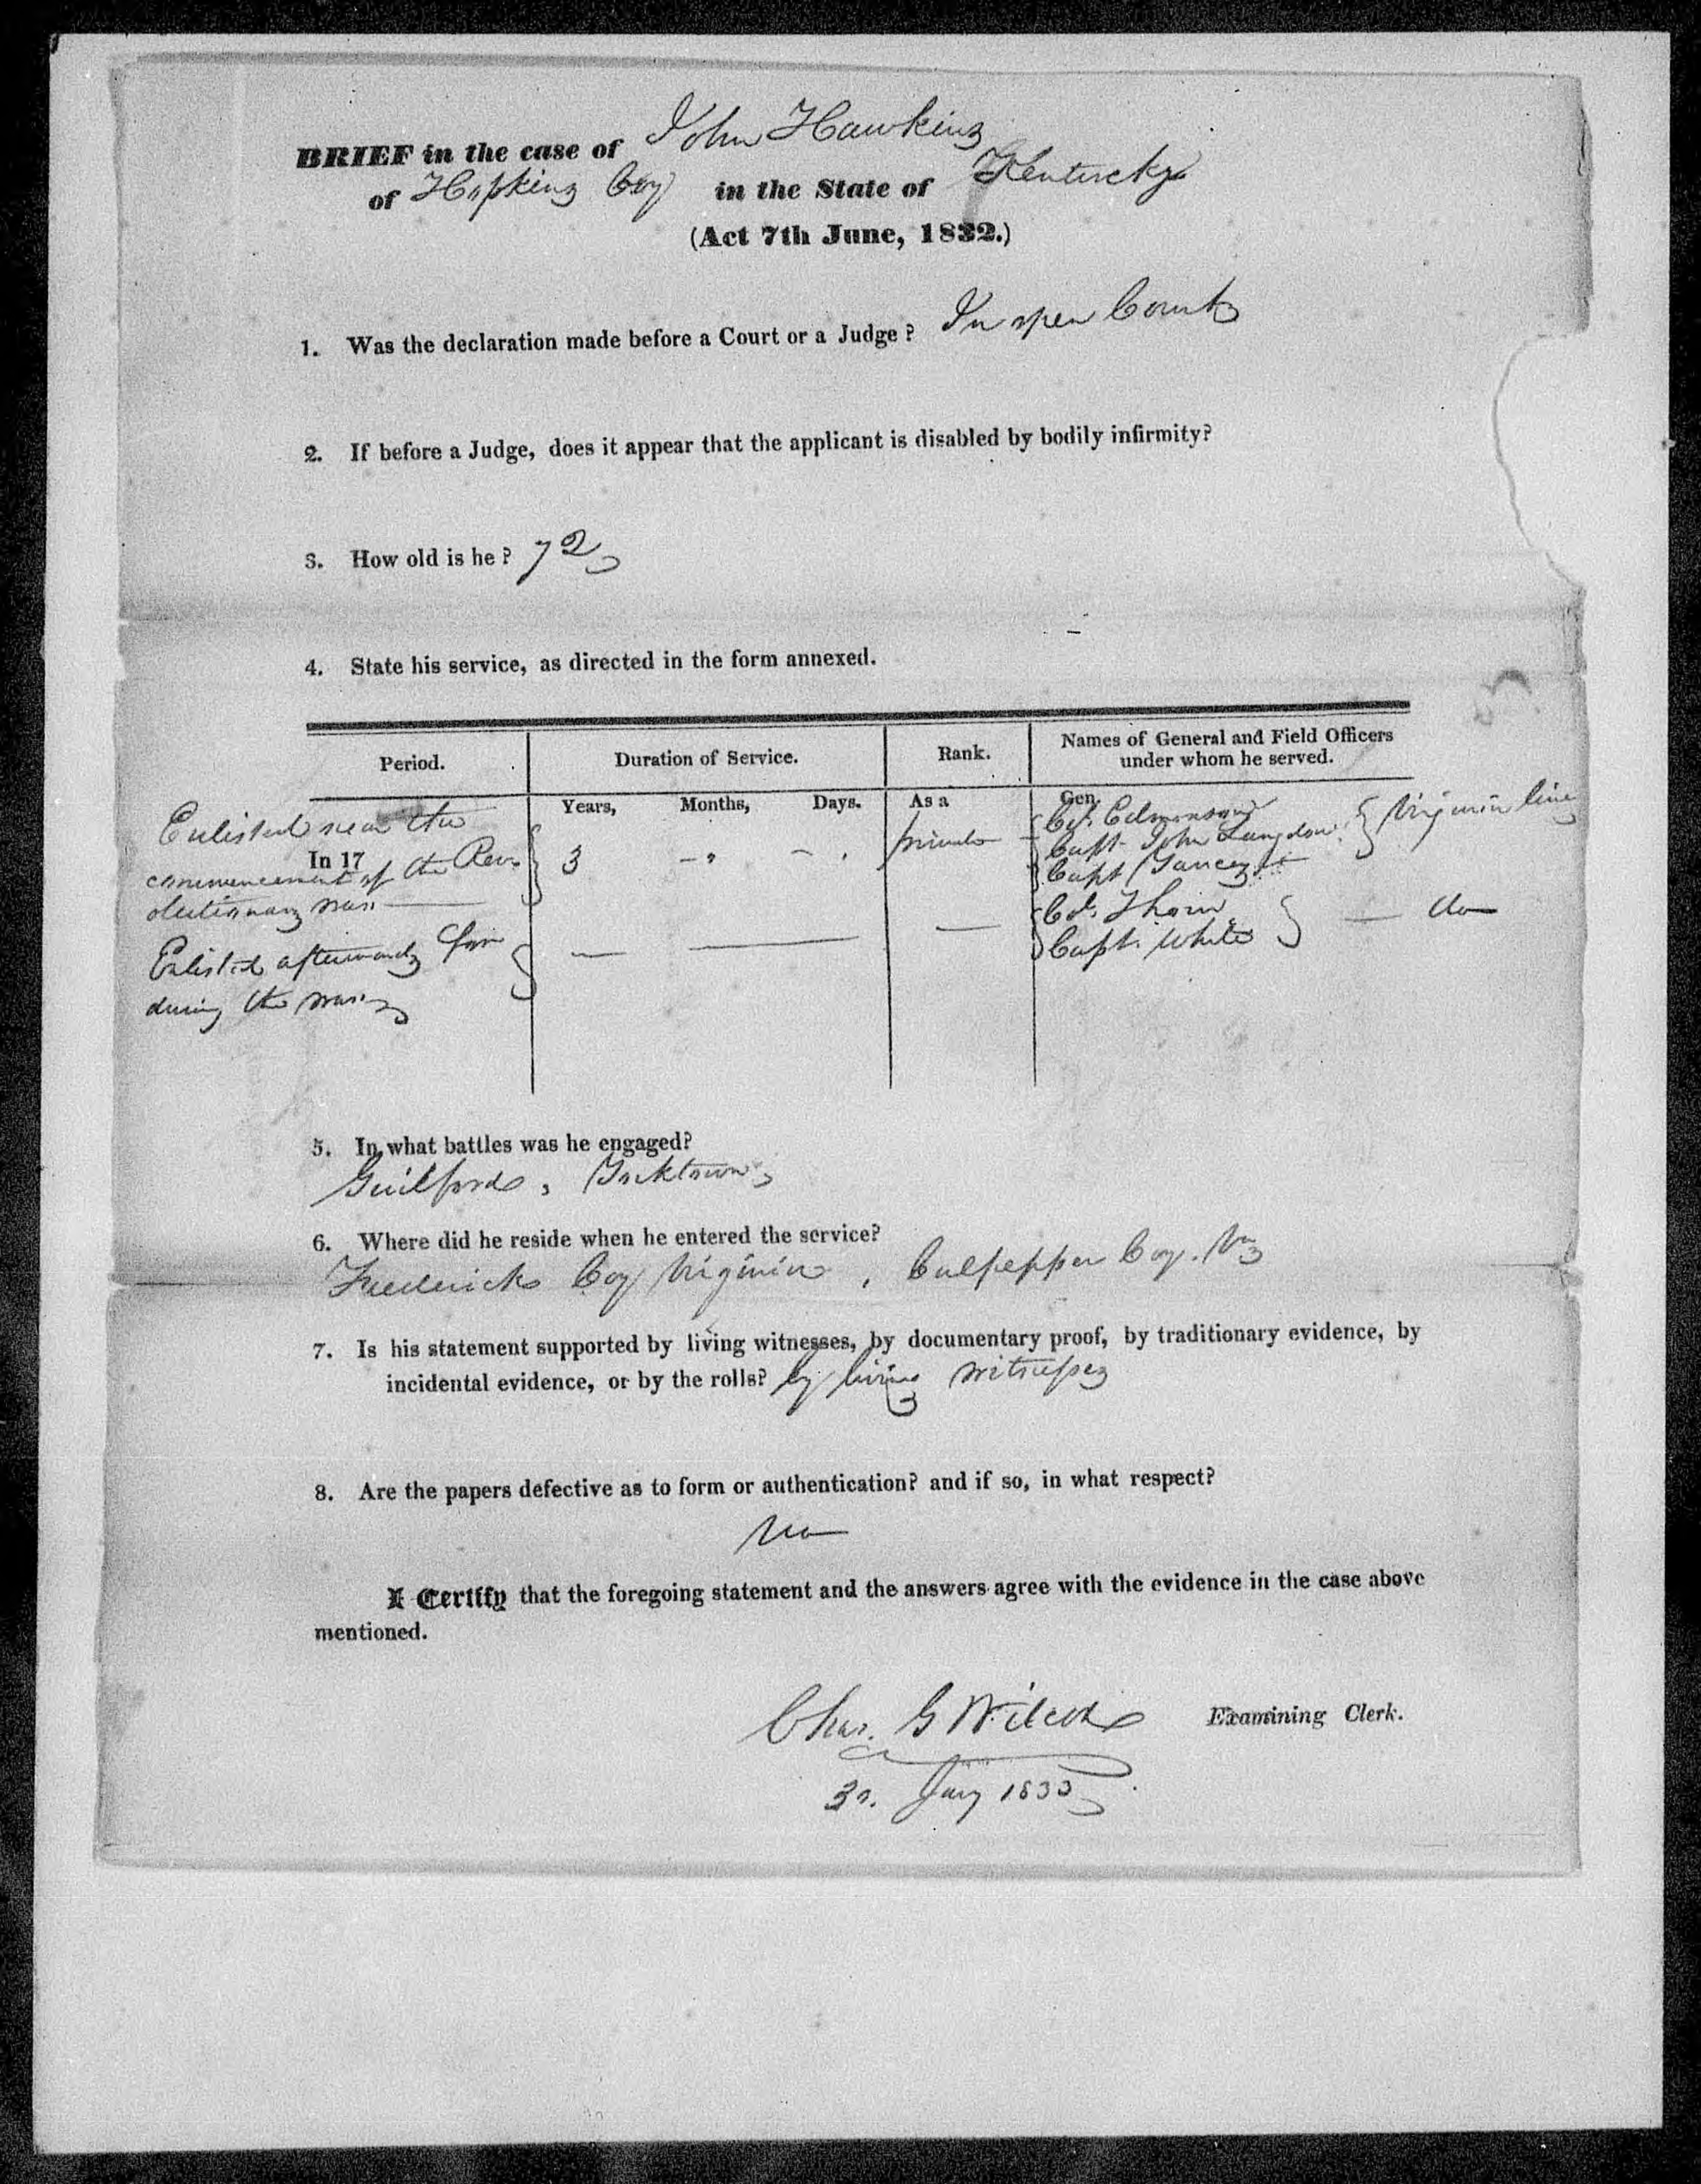BRIEF in the case of John Hankins 
of Hopkins Cty in the State of Kentucky
(Act 7th June, 1832.)

1. Was the declaration made before a Court or a Judge? In open court

2. If before a Judge, does it appear that the applicant is disabled by bodily infirmity?

3. How old is he? 72

4. State his service, as directed in the form annexed.

[column headings]
Period/Duration of Service/ Rank/ Names of General and Field Officers under whom he served. 

Period 
Enlisted near the commencement of the Revolutionary war/3 years/private/ Col Edmondson, Capt. John Langdon, Capt Yancy/[all]Virginia line

Period 
Enlisted afterwards for during the war/ Col Thorn, Capt White/ Va

5. In what battles was he engaged? Guilfords, Yorktown

6. Where did he reside when he entered the service? 
Fredericks Cty Virginia, Culpepper Cty. Va

7. In his statement supported by living witnesses, by documentary proof, by traditionary evidence, by incidental evidence, or by the rolls? by living witnesses

8. Are the papers defective as to form or authentication? and if so, in what respect? No

I Certify that the foregoing statement and the answers agree with the evidence in the case above mentioned.
Chas G Wilcox Examining Clerk.
3r July 1833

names: White, John Hawkins, Chas G Wilcox, John Langdon, Thorn, Edmonson, Yancey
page: 8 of 19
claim: survivor's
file: S. 16404, John Hankins, Va.